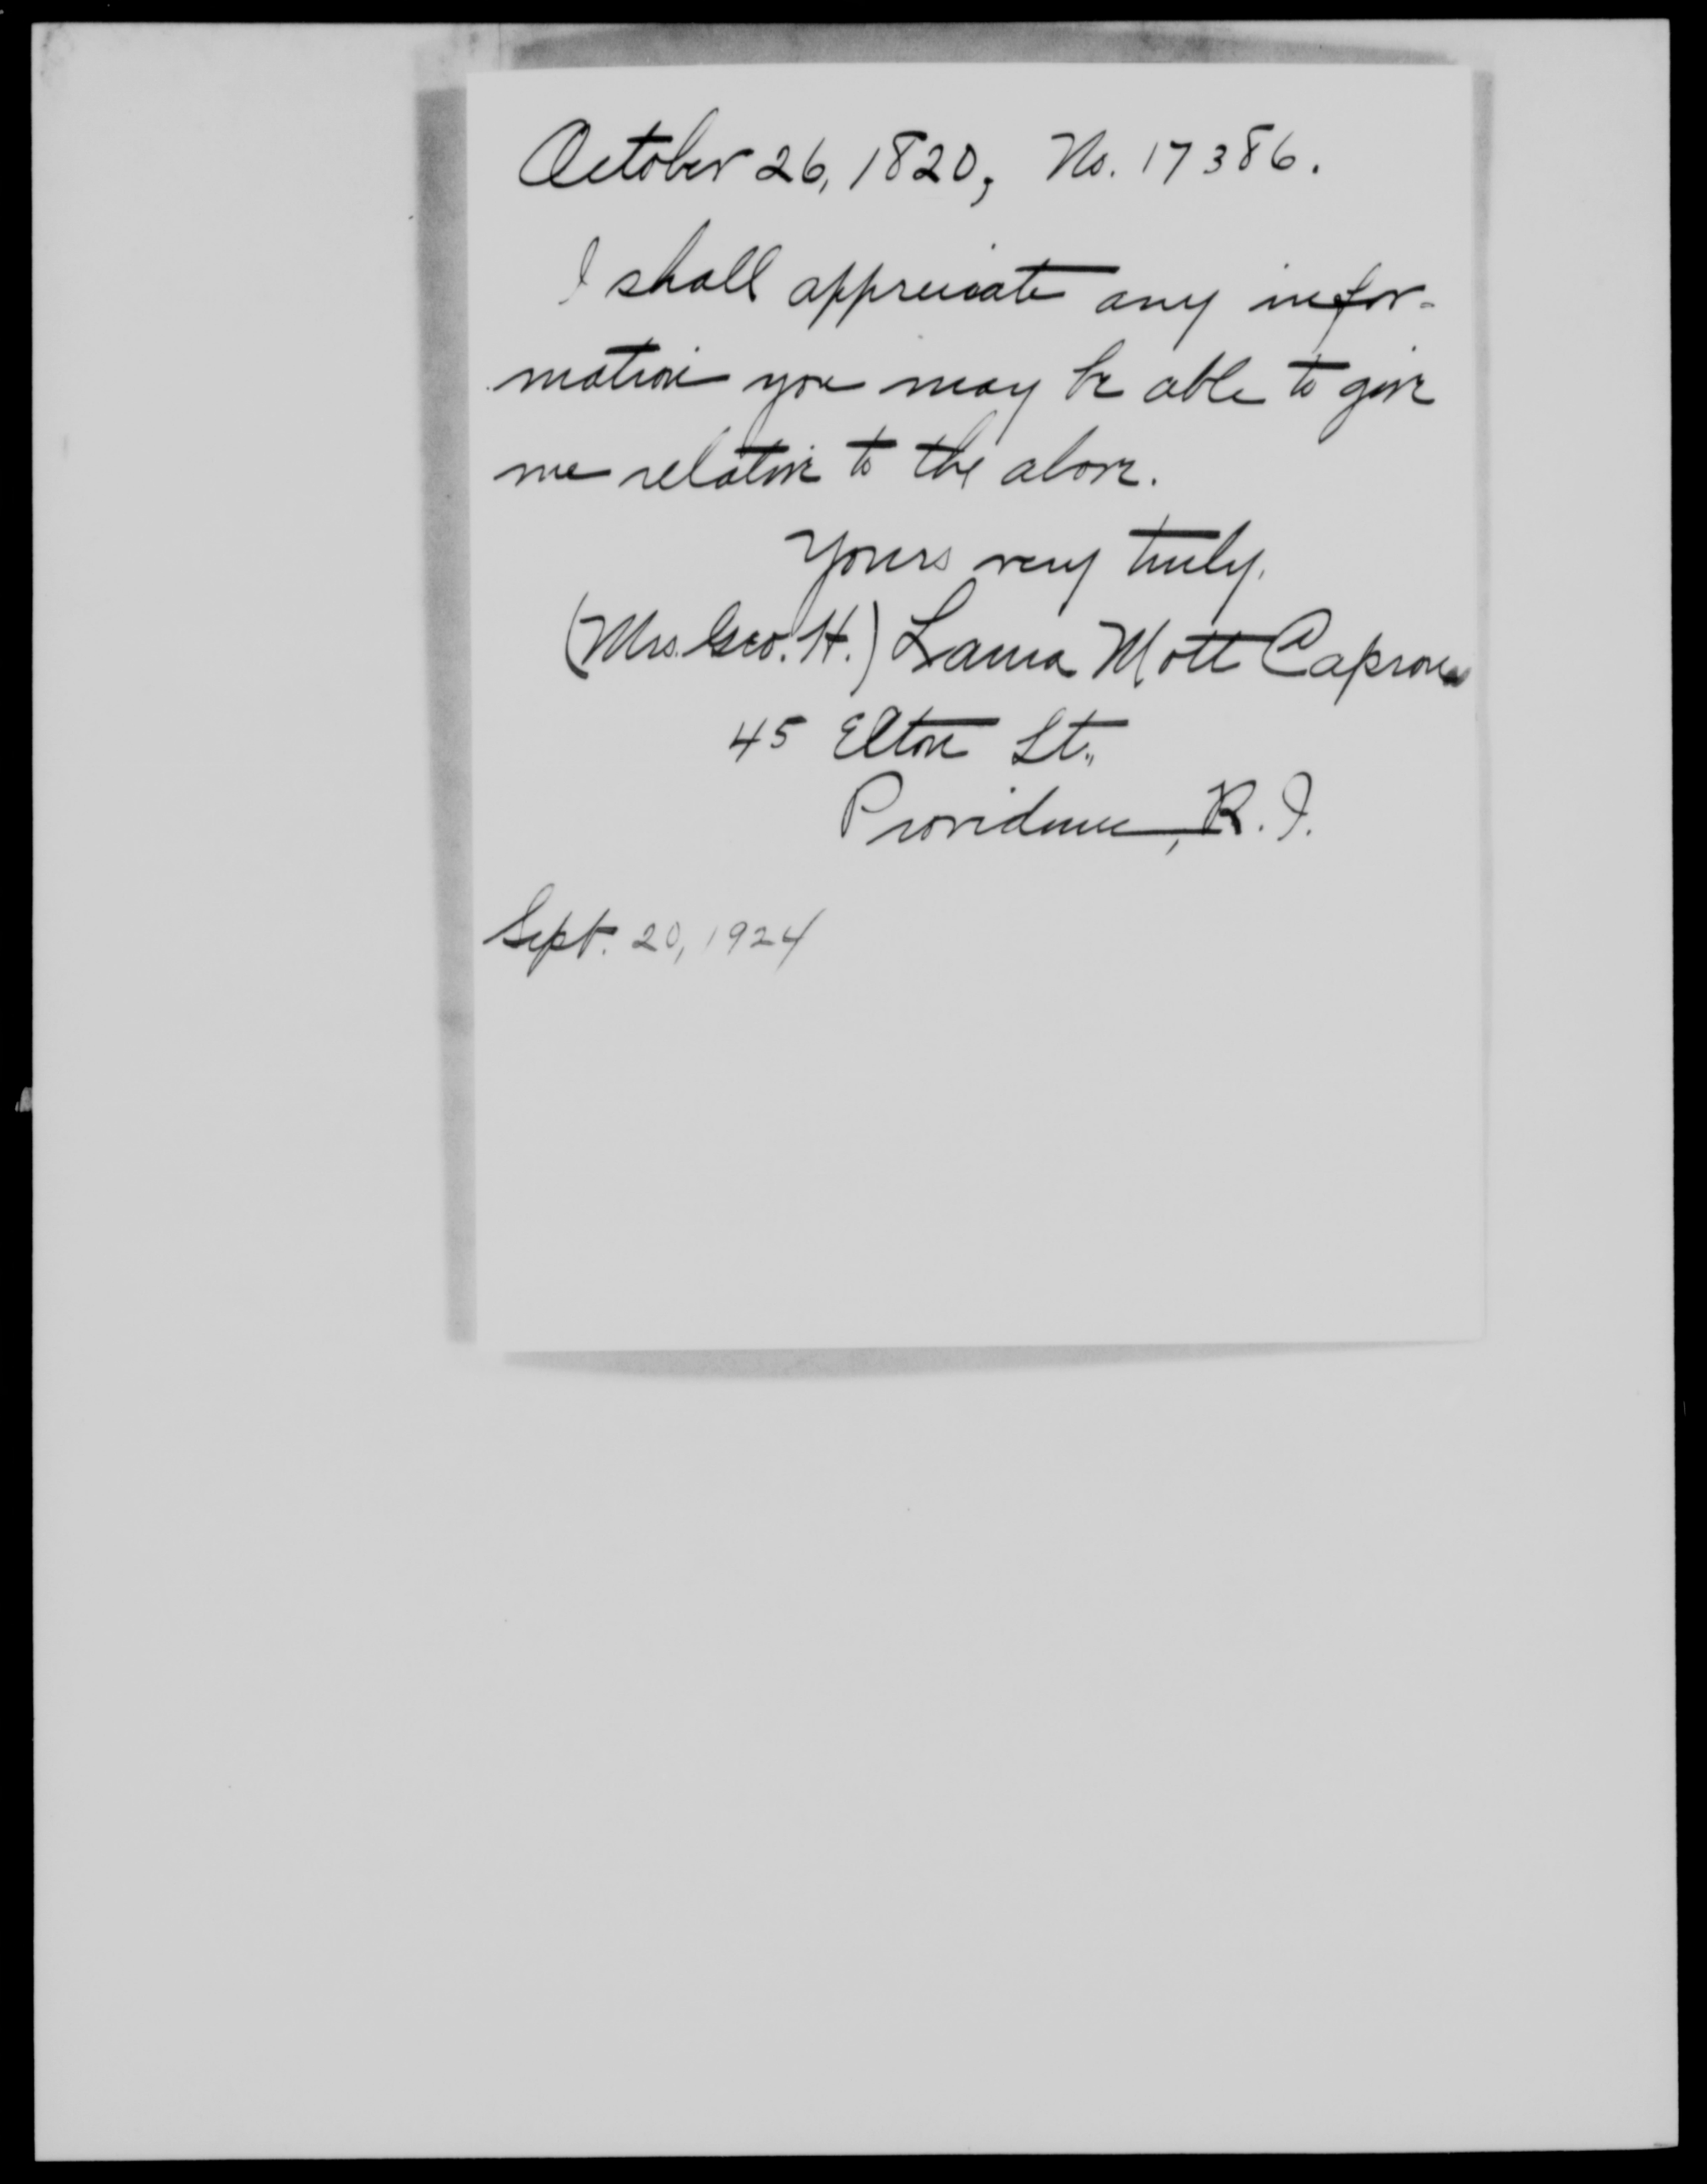October 26, 1820, No. 17386.

I shall appreciate any information
you may be able to give
me relative to the above.

Yours very truly,
(Mrs. Geo. H.) Laura Mott Capron
45 Elton St.
Providence, R.I.

Sept. 20, 1924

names: Lama Mott, Geo H Mott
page: 14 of 34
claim: survivor's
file: S. 41337, Jared Wilcox, Continental Mass.